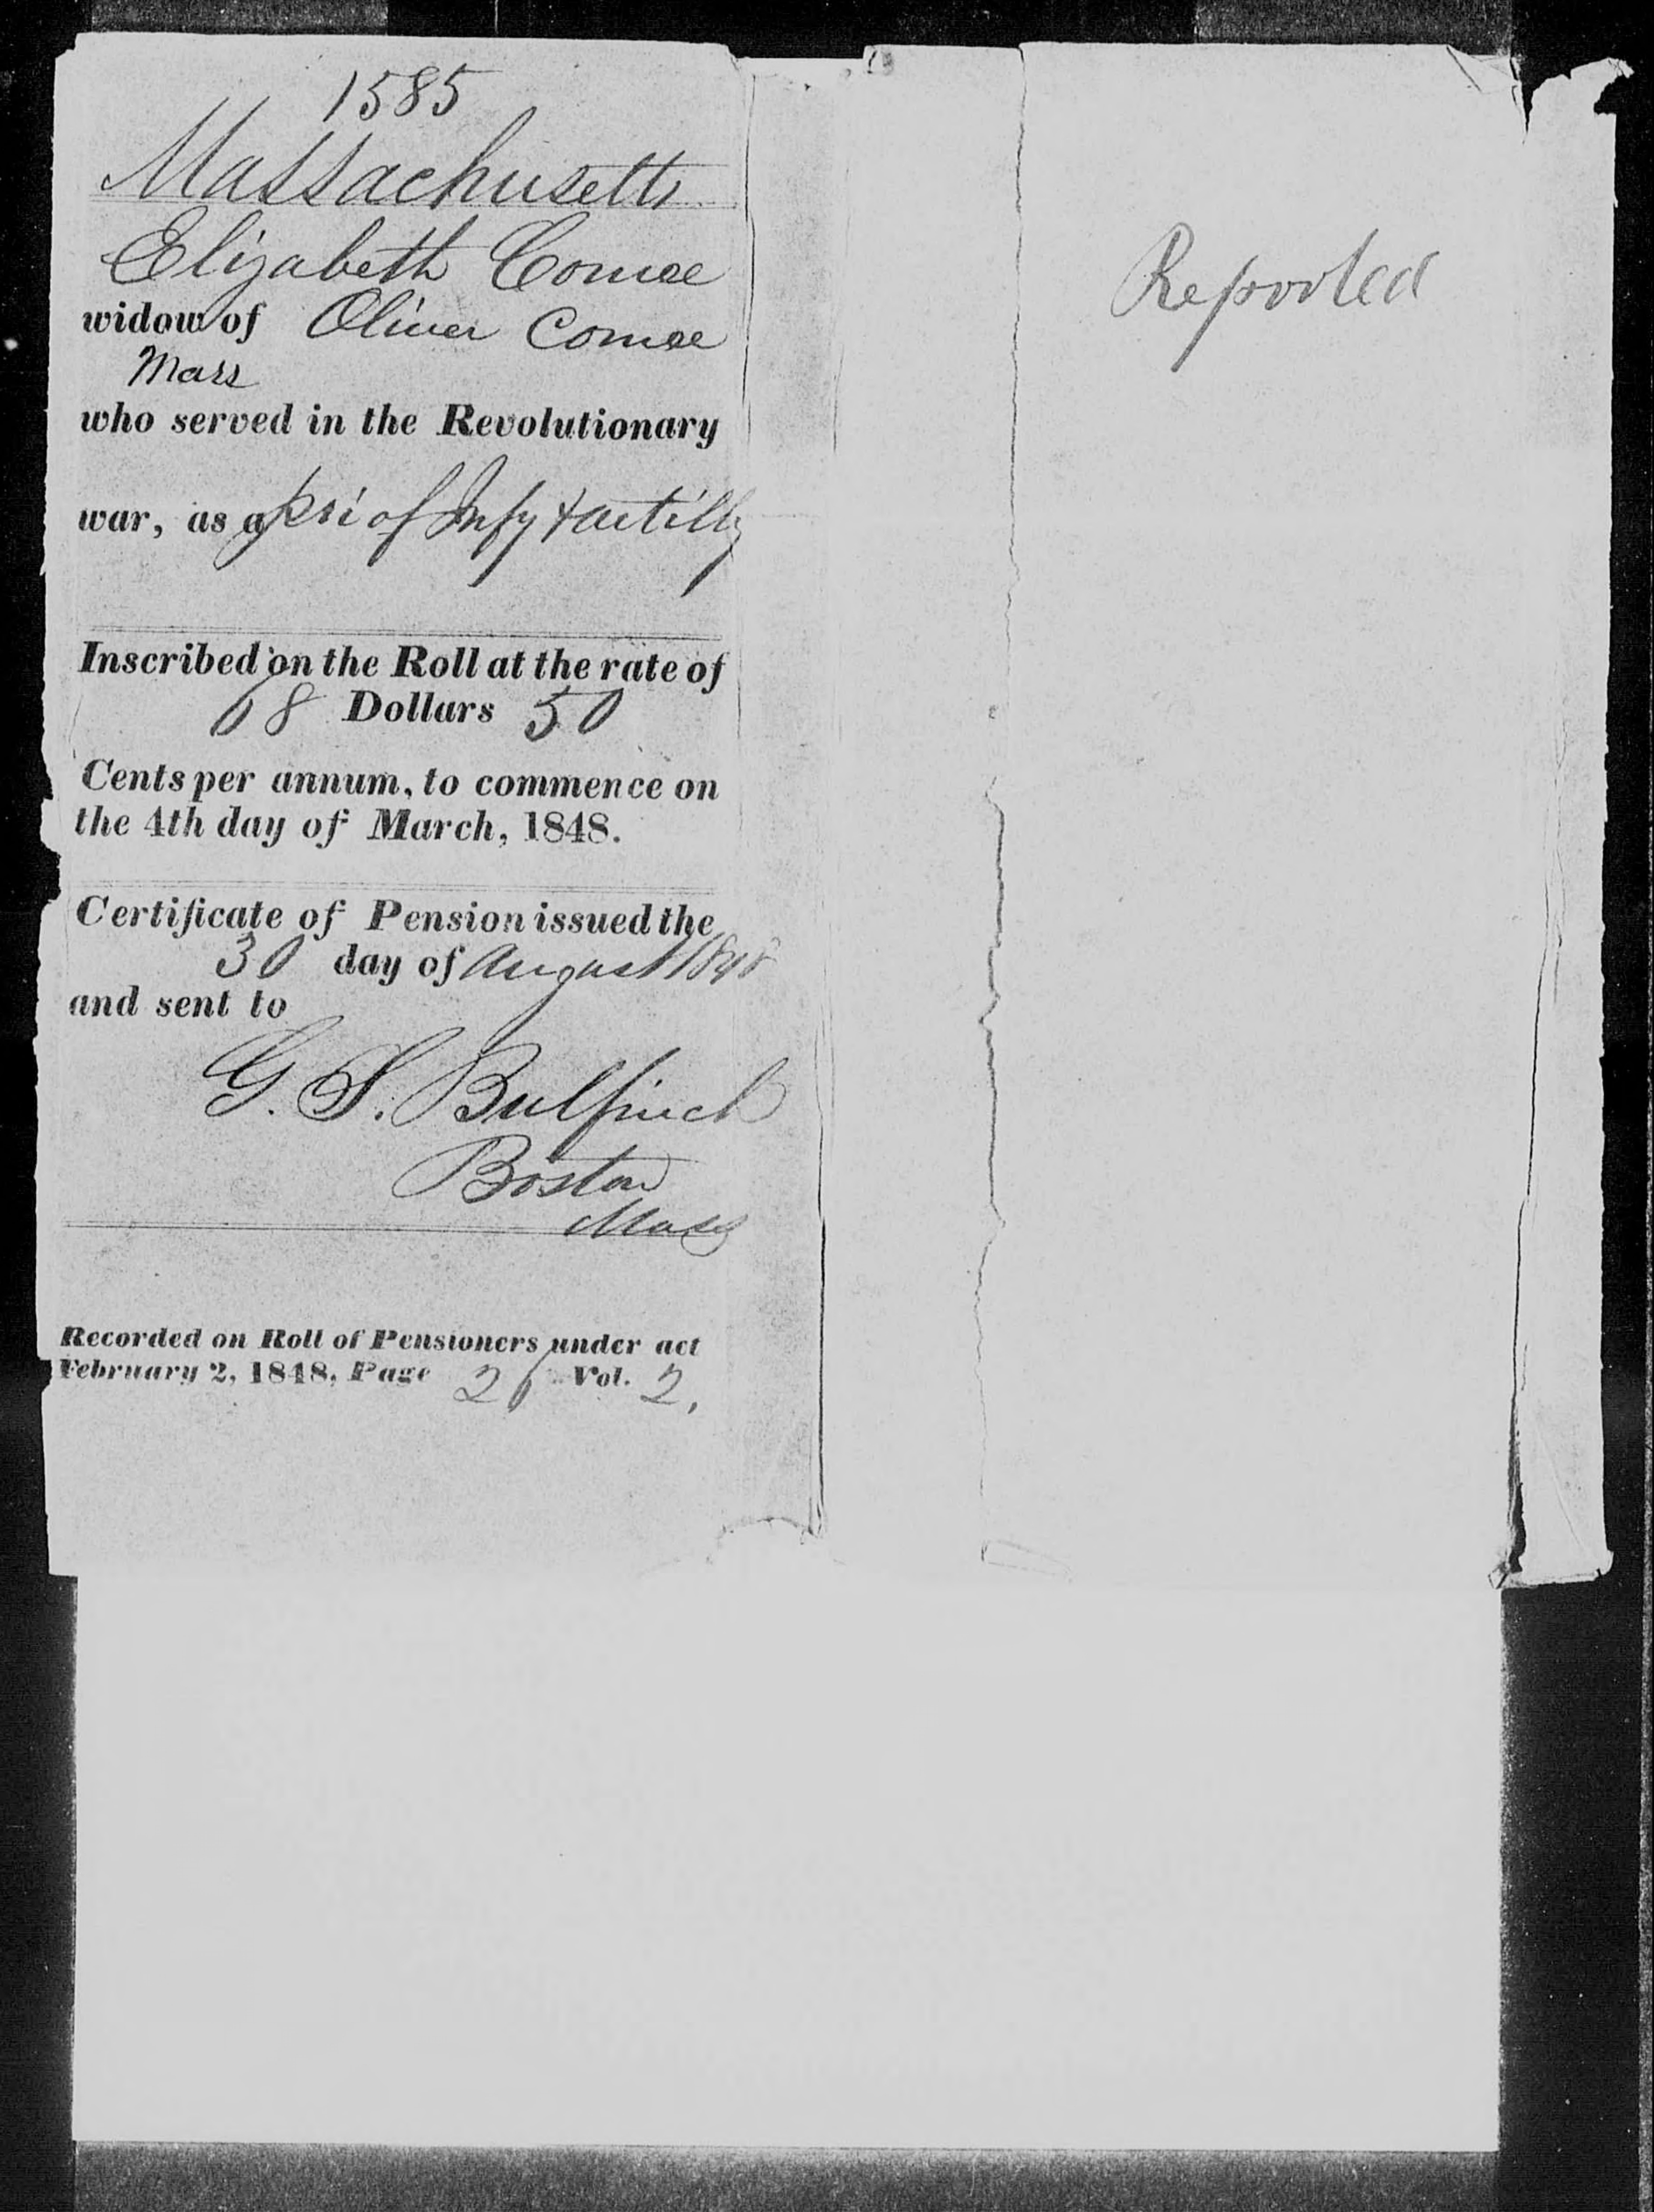1585 Massachusetts Elizabeth Comee widow of Oliver Comee Mars who served in the Revolutionary war , as proof Infy & artilly Inscribed on the Roll at the rate of 68 Dollars 50 Cents per annum, to commence on the 4th day of March, 1848. Certific and se cate of Pension issued the 30 int to day of August 1841 G. S. Bullick Boston Mary Recorded on Roll of Pensioners under act February 2, 1848, Page 26 Vol. 2, Reported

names: G S Bulfinch, Elizabeth Comee, Oliver Comee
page: 3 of 45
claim: widow's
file: W. 14,567, Oliver Comee, Mass.